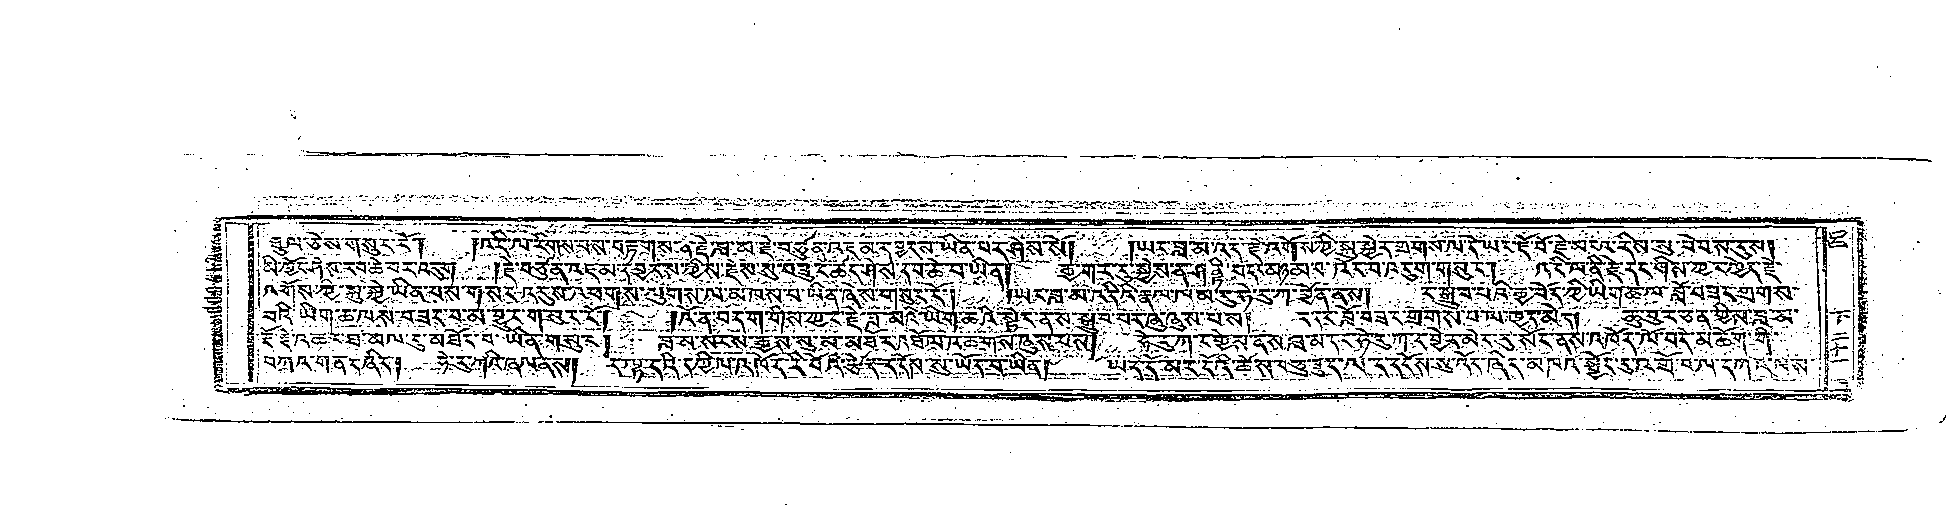ཐུལ་ཅེས་གསུང་ངོ། །འདི་ལ་རིགས་པས་བརྟགས་ན་རྗེ་བླ་མ་རྗེ་བཙུན་འཇམ་དབྱངས་ཡིན་པར་ཤེས་སོ། །ཡང་བླ་མ་འདི་རྗེ་འགོས་ཀྱི་སྐུ་སྐྱེར་གྲགས་ལ་དེ་ཡང་ཇོ་བོ་རྗེ་མངའ་རིས་སུ་ཕེབས་དུས།
མི་ཁྱོད་ཤེས་རབ་ཆེ་བར་འདུག །རྗེ་བཙུན་འཇམ་དབྱངས་ཀྱིས་རྗེས་སུ་བཟུང་ཚད་ཤེས་རབ་ཆེ་བ་ཡིན། རྒྱ་གར་དུ་སྐྱེས་ན་ཤནྟི་བ་དང་མཉམ་བ་འོང་བ་འདུག་གསུང་། འདི་ལ་ནི་རྗེ་རང་གིས་ཀྱང་ཁྱེད་རྗེ་
འགོས་ཀྱི་སྐུ་སྐྱེ་ཡིན་པས་གསང་འདུས་འཕགས་ལུགས་ལ་མཁས་པ་ཡིན་ཞེས་གསུང་ངོ། །ཡང་བླ་མ་འདིའི་རྣལ་ལམ་དུ་ཧེ་རུ་ཀ་བྱོན་ནས། ད་སྒྲུབ་པའི་རྒྱ་བོད་ཀྱི་ཡིག་ཆ་ལ་བློ་བཟང་གྲགས་
བའི་ཡིག་ཆ་ལས་བཟང་བ་མ་བྱུང་གསུང་ངོ། །འོ་ན་བདག་གིས་ཀྱང་རྗེ་བླ་མའི་ཡིག་ཆའི་སྟེང་ནས་སྒྲུབ་པར་ཞུ་ཞུས་པས། ང་རང་བློ་བཟང་གྲགས་པ་ལ་ཁྱད་མེད། ཆུ་བུར་ཅན་གྱིས་བླ་མ་
རྡོ་རྗེ་འཆང་ཐ་མལ་དུ་མཐོང་བ་ཡིན་གསུང་། བླ་མ་སངས་རྒྱས་སུ་མ་མཐོང་འཐོལ་འཆགས་ཞུས་པས། ཧེ་རུ་ཀ་དགྱེས་ནས་བླ་མ་དང་ཧེ་རུ་ཀ་དབྱེར་མེད་དུ་སོང་ནས་འཁོར་ལོ་བདེ་མཆོག་གི་
བཀའ་གནང་ཞིང་། ཧེ་རུ་ཀའི་ཞལ་ནས། ད་ལྟ་ངའི་དཀྱིལ་འཁོར་རི་བོའི་རྩེར་དངོས་སུ་ཡོད་པ་ཡིན། ཡར་ངོ་མར་ངོའི་ཆོས་བཅུ་ཟུར་ལ་ང་དངོས་སུ་འོང་ཞིང་མཁའ་སྤྱོད་དུ་འགྲོ་བ་ལ་དཀའ་ལས་